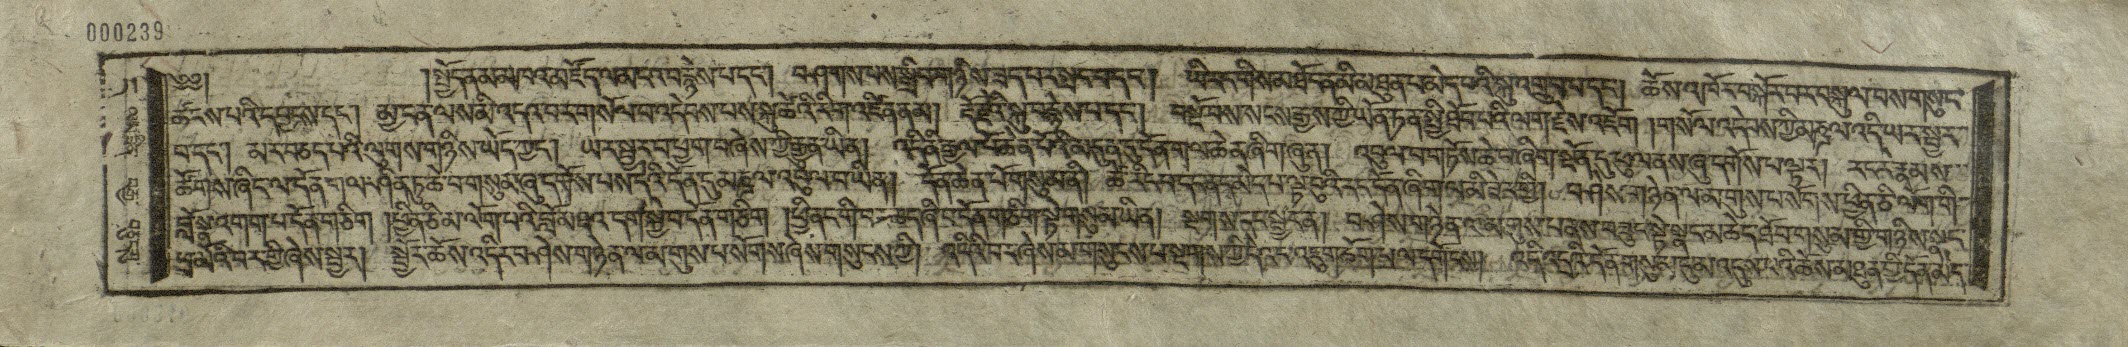༄༅། །སྤྱོད་ནམ་མཁའ་མཛོད་ལ་མངའ་བརྙེས་པ་དང་། བཤགས་པས་སྒྲིབ་གཉིས་ཟད་པར་སྤང་བ་དང་། ཡི་རང་གིས་མཐོང་ན་མི་མཐུན་པ་མེད་པའི་སྐུ་འགྲུབ་པ་དང་། ཆོས་འཁོར་བསྐོར་བར་བསྐུལ་བས་གསུང་
ཚངས་པའི་དབྱངས་དང་། མྱ་ངན་ལས་མི་འདའ་བར་གསོལ་བ་འདེབས་པས་སྐུ་ཚེའི་རིག་འཛིན་ནམ། རྡོ་རྗེའི་སྐུ་བརྙེས་པ་དང་། བསྔོ་བས་སངས་རྒྱས་ཀྱི་ཡོན་ཏན་སྤྱི་ཐོབ་པའི་ལག་རྗེས་འཇོག །གསོལ་འདེབས་ཀྱི་མཎྜལ་འདི་ཡར་སྦྱར་
བ་དང་། མར་བཅད་པའི་ལུགས་གཉིས་ཡོད་ཀྱང་། ཡར་སྦྱར་བ་ཕྱག་བཞེས་ཀྱི་རྒྱུན་ཡིན། འདི་ནི་རྒྱལ་པོ་ཆེན་པོའི་མདུན་དུ་དོན་གལ་ཆེན་ཞིག་ཞུ་ན། འབུལ་བ་གཏོས་ཆེ་བ་ཞིག་སྔོན་དུ་ཕུལ་ནས་ཞུ་དགོས་པ་ལྟར། རང་རེ་རྣམས་
ཚོགས་ཞིང་ལ་དོན་གལ་ཤིན་ཏུ་ཆེ་བ་གསུམ་ཞུ་དགོས་པས་དེའི་དོན་དུ་མཎྜལ་འབུལ་བ་ཡིན། དོན་ཆེན་པོ་གསུམ་ནི། ཚེ་རིང་བ་དང་ནད་མེད་པ་ལྟ་བུའི་རང་དོན་ཞིག་ལ་མི་ཟེར་གྱི། བཤེས་གཉེན་ལ་མ་གུས་པ་སོགས་ཕྱིན་ཅི་ལོག་གི་
བློ་སྣ་འགག་པ་དོན་གཅིག །ཕྱིན་ཅི་མ་ལོག་པའི་བློ་མཐའ་དག་སྐྱེ་བ་དོན་གཅིག །ཕྱི་ནང་གི་བར་ཆད་ཞི་བ་དོན་གཅིག་སྟེ་གསུམ་ཡིན། སྔགས་དང་སྦྱར་ན། བཤེས་གཉེན་ལ་མ་གུས་པ་ནས་བཟུང་སྟེ་སྣང་མཆེད་ཐོབ་གསུམ་གྱི་གཉིས་སྣང་
ཕྲ་མོའི་བར་གྱི་ཞེས་སྦྱར། སྦྱོར་ཆོས་འདིར་བཤེས་གཉེན་ལ་གུས་པ་སོགས་ཞེས་གསུངས་ཀྱི། འདིའི་བར་ཞེས་མ་གསུངས་པ་སྔགས་ཀྱི་དེའང་འཇུག་ཆོག་པ་ལ་དགོངས། འདི་འདྲའི་དོན་གསུམ་དུ་མ་འདུས་པའི་ཆོས་མཐུན་གྱི་དོན་མེད་